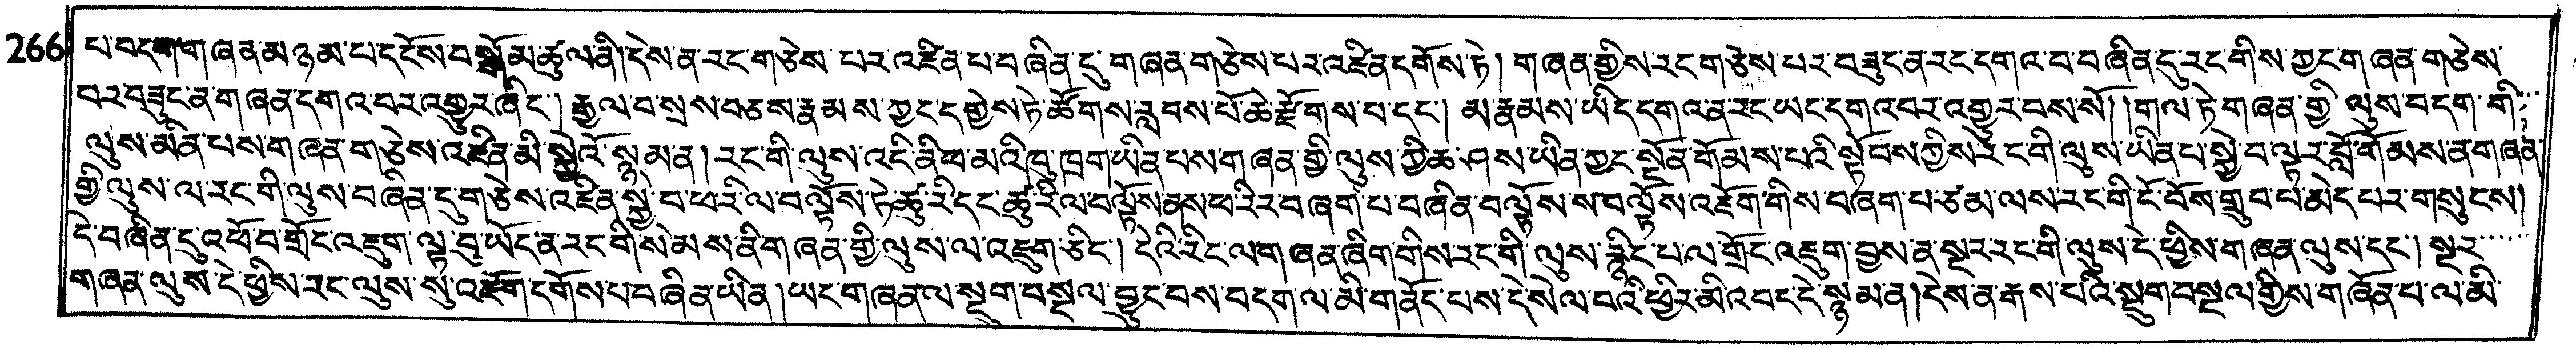པ་བདག་གཞན་མཉམ་པ་དངོས་བསྒོམ་ཚུལ་ནི། དེས་ན་རང་གཅེས་པར་འཛིན་པ་བཞིན་དུ་གཞན་གཅེས་པར་འཛིན་དགོས་ཏེ། གཞན་གྱིས་རང་གཅེས་པར་བཟུང་ན་རང་དགའ་བ་བཞིན་དུ་རང་གིས་ཀྱང་གཞན་གཅེས་
པར་བཟུང་ན་གཞན་དགའ་བར་འགྱུར་ཞིང་། རྒྱལ་བ་སྲས་བཅས་རྣམས་ཀྱང་དགྱེས་ཏེ་ཚོགས་རླབས་པོ་ཆེ་རྫོགས་པ་དང་། མ་རྣམས་ཡིད་དགའ་ན་རང་ཡང་དགའ་བར་འགྱུར་བས་སོ། །གལ་ཏེ་གཞན་གྱི་ལུས་བདག་གི་
ལུས་མིན་པས་གཞན་གཅེས་འཛིན་མི་སྐྱེའོ་སྙམ་ན། རང་གི་ལུས་འདི་ནི་ཕ་མའི་ཁུ་ཁྲག་ཡིན་པས་གཞན་གྱི་ལུས་ཀྱི་ཆ་ཤས་ཡིན་ཀྱང་སྔོན་གོམས་པའི་སྟོབས་ཀྱིས་རང་གི་ལུས་ཡིན་པ་སྐྱེ་བ་ལྟར་བློ་གོམས་ན་གཞན་
གྱི་ལུས་ལ་རང་གི་ལུས་བཞིན་དུ་གཅེས་འཛིན་སྐྱེ་བ་ཕ་རི་ལ་བལྟོས་ཏེ་ཚུ་རི་དང་ཚུལ་རི་ལ་བལྟོས་ནས་ཕ་རིར་བཞག་པ་བཞིན་བལྟོས་ས་བལྟོས་འཇོག་གིས་བཞག་པ་ཙམ་ལས་རང་གི་ངོ་བོས་གྲུབ་པ་མེད་པར་གསུངས།
དེ་བཞིན་དུ་འཕོ་བ་གྲོང་འཇུག་ལྟ་བུ་ཡོད་ན་རང་གི་སེམས་ནི་གཞན་གྱི་ལུས་ལ་འཇུག་ཅིང་། དེའི་རིང་ལ་གཞན་ཞིག་གིས་རང་གི་ལུས་རྙིང་པ་ལ་གྲོང་འཇུག་བྱས་ན་སྔར་རང་གི་ལུས་དེ་ཕྱིས་གཞན་ལུས་དང་། སྔར་
གཞན་ལུས་དེ་ཕྱིས་རང་ལུས་སུ་འཇོག་དགོས་པ་བཞིན་ཡིན། ཡང་གཞན་ལ་སྡུག་བསྔལ་བྱུང་བས་བདག་ལ་མི་གནོད་པས་དེ་སེལ་བའི་ཕྱིར་མི་འབད་དེ་སྙམ་ན། དེས་ན་རྒས་པའི་སྡུག་བསྔལ་གྱིས་གཞོན་པ་ལ་མི་